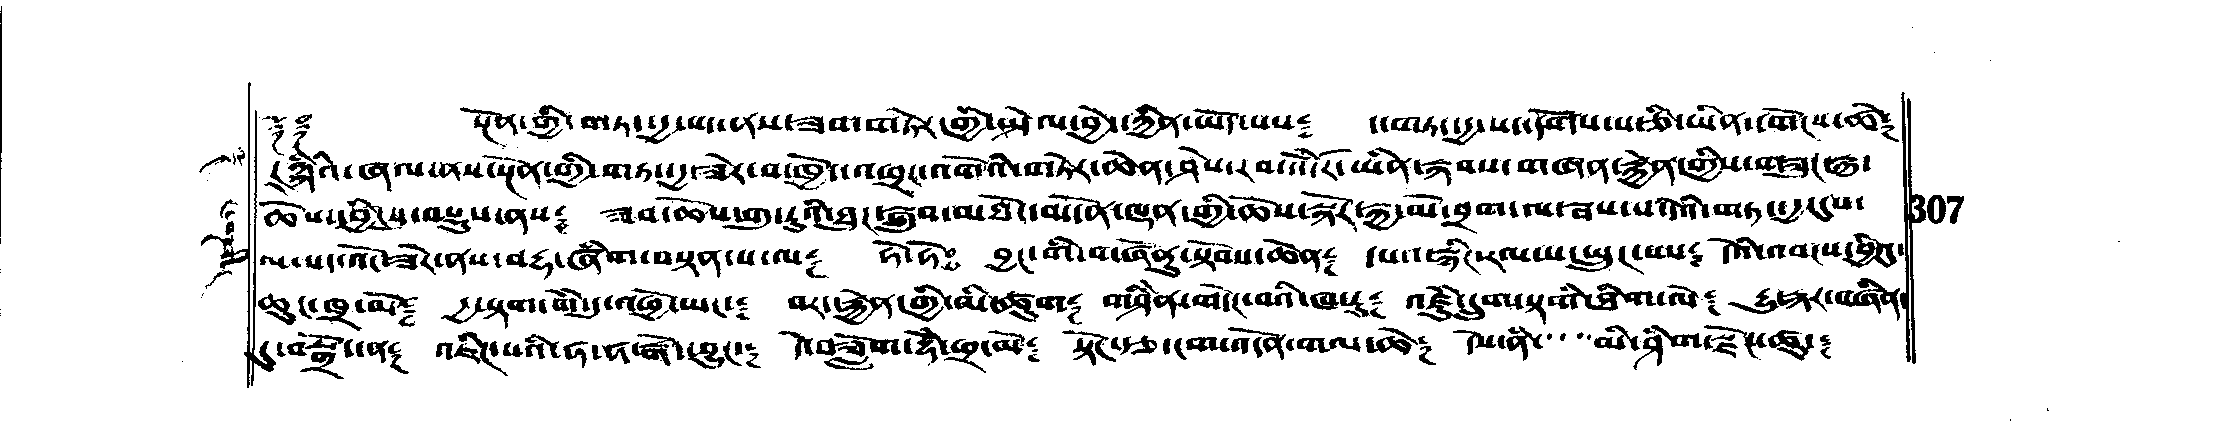སྔོན་གྱི་གཏད་རྒྱ་སད་ནས་ཟབ་གཏེར་གསལ་སྤེལ་བྱེད་ཀྱིན་ཡོད་པས། ད་གཏད་རྒྱ་སད་དགོས་པ་ཅི་ཡིན་དགོངས་ཚེ། 
ཌཱཀྐིའི་ཞལ་ནས་སྔོན་གྱི་གཏད་རྒྱ་ཟེར་བ་ཁྱོད་འཕྲང་འགོའི་གཏེར་ཆེན་ཤེས་རབ་འོད་ཟེར་ཡིན་སྐབས་གཞན་རྐྱེན་གྱི་གཟུགས་སྐུ་
ཆོས་དབྱིངས་སུ་བསྡུས་ནས། ཟབ་ཆོས་གུ་རུའི་ཐུགས་སྒྲུབ་མཐོང་བ་དོན་ལྡན་གྱི་ཆོས་སྐོར་སྐྱ་མོ་བྲག་ལ་སྦས་པ་དེའི་གཏད་རྒྱ་དུས་
ལ་སད་འོང་ཟེར་ནས་བརྡ་ཞིག་བསྟན་པ་ལ། ཧོ་ཧོཿ བྱང་གི་གཞོན་ནུ་སྟོབས་ཆེན། །དཔའ་སྙིང་རལ་པ་སྤྲུགས་པས། །དེའི་འབངས་བྱིའུ་
ཆུང་ཁྲ་མོ། །རྒྱ་སྟག་གམ་དུ་འཕྱོ་ཡང་། །བར་ཆད་རྐྱེན་གྱི་མི་ཚུག །གཤིན་རྗེ་གདོང་བའི་ཁ་རུ། །འཛུམ་དྲུག་སྟག་གི་ཐིག་ལེ། །རྒྱུ་སྐར་བཞིན་
དུ་བསྒྲོད་ན། །འཇིགས་པའི་ཧ་ཧ་རྒོད་བྱུང་། །དེ་བཟློག་རྡོ་རྗེ་ཕྲ་མོ། །སྟོང་རྩ་ངག་འདོན་གལ་ཆེ། །དེས་ནི་མི་ཤིག་རྫོང་ཚུད།